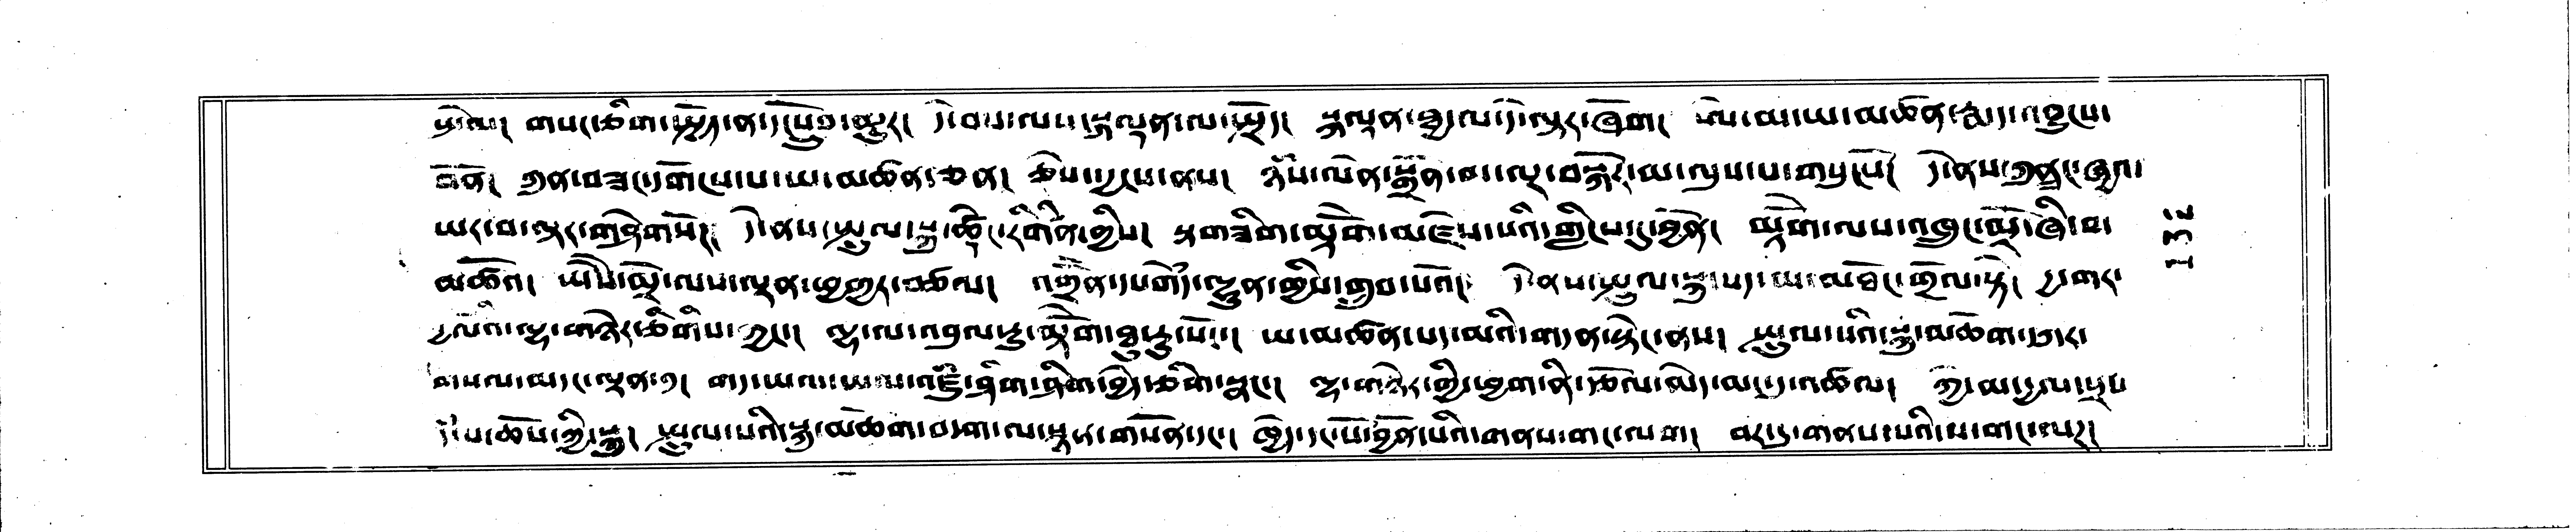སྤེལ། གསང་ཅིག་སྤྱོད་ན་དངོས་གྲུབ་མྱུར། དེ་བས་ལས་སྐལ་ལྡན་ལ་སྤྲོད། སྐལ་ལྡན་ཐུགས་ལ་དེ་ལྟར་ཞོག ཨཻ་མ་ཡ་མཚན་རྨད་བྱུང་
བོན། ཀུན་བཟང་དགོངས་པ་ཡ་མཚན་ཅན། ཅེས་གསུངས་ནས། ཉམས་ལེན་སྒྲོན་མ་ལྔ་སྐོར་མ་ལུས་པ་གསུངས་སོ། །དེ་ནས་ཀུན་བཟང་གཞའ་
ཡལ་བ་ལྟར་གཤེགས་སོ། དེ་ནས་སྤྲུལ་སྐུ་ཚེ་དབང་རིག་འཛིན་གྱིས། སྟག་གཟིག་མེ་ཏོག་མཛེས་པའི་གླིང་དུ་བྱོན། མེ་ཏོག་ལས་འཁྲུངས་མཁའ་འགྲོ་ཞི་བ་
མཚོ། ཡེ་ཤེས་མཁའ་འགྲོ་ལས་ལྡན་ཕྱག་རྒྱར་བཙལ། འགྲོ་དོན་དཔག་མེད་ལྷུན་གྱིས་གྲུབ་པའོ། །དེ་ནས་སྤྲུལ་སྐུ་པད་མ་མཐོང་གྲོལ་སྟེ། རྒྱ་གར་
རྒྱལ་པོའི་ལྷ་གཉེར་ཅིག་གིས་ཀྱང་། ལྷ་ལ་འབུལ་རྒྱུ་མེ་ཏོག་ཐུ་རུ་སོང་། ཡ་མཚན་པད་མའི་གདན་སྟེང་ནས། སྤྲུལ་པའི་སྐུ་མཆོག་དཀར་
གསལ་མདངས་ལྡན་ཅིག གད་ཡལ་ཡལ་འཛུམ་ཤིག་ཤིག་བྱེད་བྱེད་ཅིག་སྣང་། ལྷ་གཉེར་གྱི་ཕྱག་ནི་རྩོལ་མེད་མང་དུ་འཚལ། ཀྱེ་མ་རྒྱལ་སྲས་
དམ་པ་ཆོས་ཀྱི་སྐུ། སྤྲུལ་པའི་སྐུ་མཆོག་བདག་ལ་སྙན་གསོན་དང་། ཁྱེད་དང་པོ་བྱོན་པའི་གནས་གང་ལགས། བར་དུ་གནས་པའི་ས་གང་ལགས།